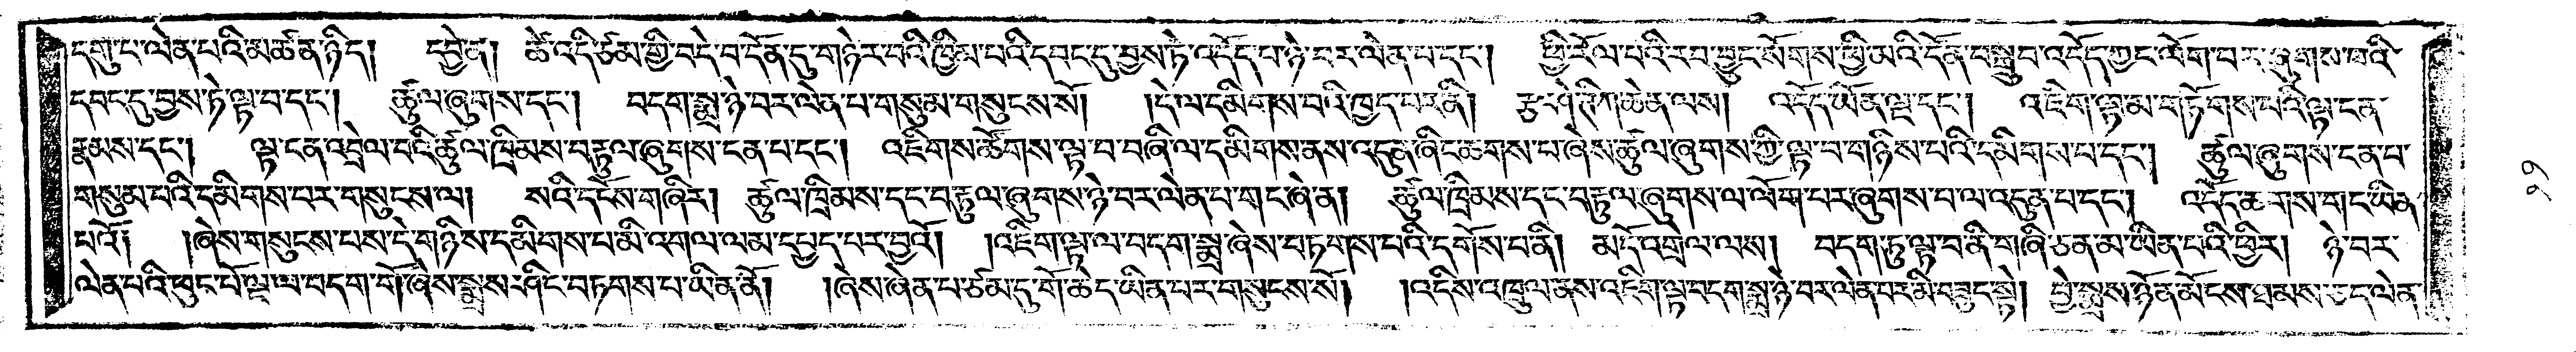དགུ་པ་ལེན་པའི་མཚན་ཉིད། དབྱེ་ན། ཚེ་འདི་ཙམ་གྱི་བདེ་བྔོན་དུ་གཉེར་བའི་ཁྱིམ་པའི་དབང་དུ་བྱས་ཏེ་འདོད་པ་ཉེ་པར་ལེན་པ་དང་། ཕྱི་རོལ་པའི་རབ་བྱུང་སོགས་ཀྱི་མའི་དོན་སྒྲུབ་འདོད་ཀྱང་ལོག་པར་ཞུགས་པའི་
དབང་དུ་བྱས་ཏེ་ལྟ་བ་དང་། ཚུལ་ཞུགས་དང་། བདག་སྨྲ་ཉེ་བར་ལེན་པ་གསུམ་གསུངས་སོ། །དེ་ལ་དམིགས་པའི་ཁྱད་པར་ནི། རྩ་ཤྭེ་ཊིཀ་ཆེན་ལས། འདོད་ཡོན་ལྔ་དང་། འཇིག་ལྟ་མ་གཏོགས་པའི་ལྟང་ན་
རྣམས་དང་། ལྟ་ཕན་འབྲེལ་བའི་ཚུལ་ཁྲིམས་བརྟུལ་ཞུགས་ངན་པ་དང་། འཇིགས་ཚོགས་ལྟ་བ་བཞི་ལ་དམིགས་ནས་འདུན་ཞིང་ཆགས་པ་ཞེས་ཚུལ་ཞུགས་ཀྱི་ལྟ་བ་གཉིས་པའི་དམིགས་པ་དང་། ཚུལ་ཞུགས་ངན་པ་
གསུམ་བའི་དམིགས་བར་གསུངས་ལ། སའི་དངོས་གཞིར། ཚུལ་ཁྲིམས་དང་བརྟུལ་ཞུགས་ཉེ་བར་ལེན་པ་གང་ཞེ་ན། ཚུལ་ཁྲིམས་དང་བརྟུལ་ཞུགས་ལ་ལོག་པར་ཞུགས་པ་ལ་འདུན་པ་དང་། འདོད་ཆགས་གང་ཡིན་
པའོ༑ །ཞེས་གསུངས་པས་དེ་གཉིས་དམིགས་པ་མི་འགལ་ལམ་དཔྱད་པར་བྱའོ། །འཇིག་ལྟ་ལ་བདག་སྨྲ་ཞེས་བཏགས་པའི་དགོས་པ་ནི། མདོ་འགྲེལ་ལས། བདག་ཏུ་ལྟ་བ་ནི་གཞི་ཅན་མ་ཡིན་བའི་ཕྱིར། ཉེ་བར་
ལེན་བའི་ཕུང་པོ་ལྔ་ལ་བདག་གོ་ཞེས་སྨྲས་ཤིང་བཏགས་པ་ཡིན་ནོ། །ཞེས་ཞེན་པ་ཙམ་དུ་གོ་ཆེད་ཡིན་པར་གསུངས་སོ། །འདིས་འཁྲུལ་ནས་འཇིག་ལྟ་བདག་སྨྲ་ཉེ་བར་ལེན་པར་མི་བཟུང་སྟེ། བྱེ་སྨྲས་ཉོན་མོངས་ཐམས་ཅད་ལེན་